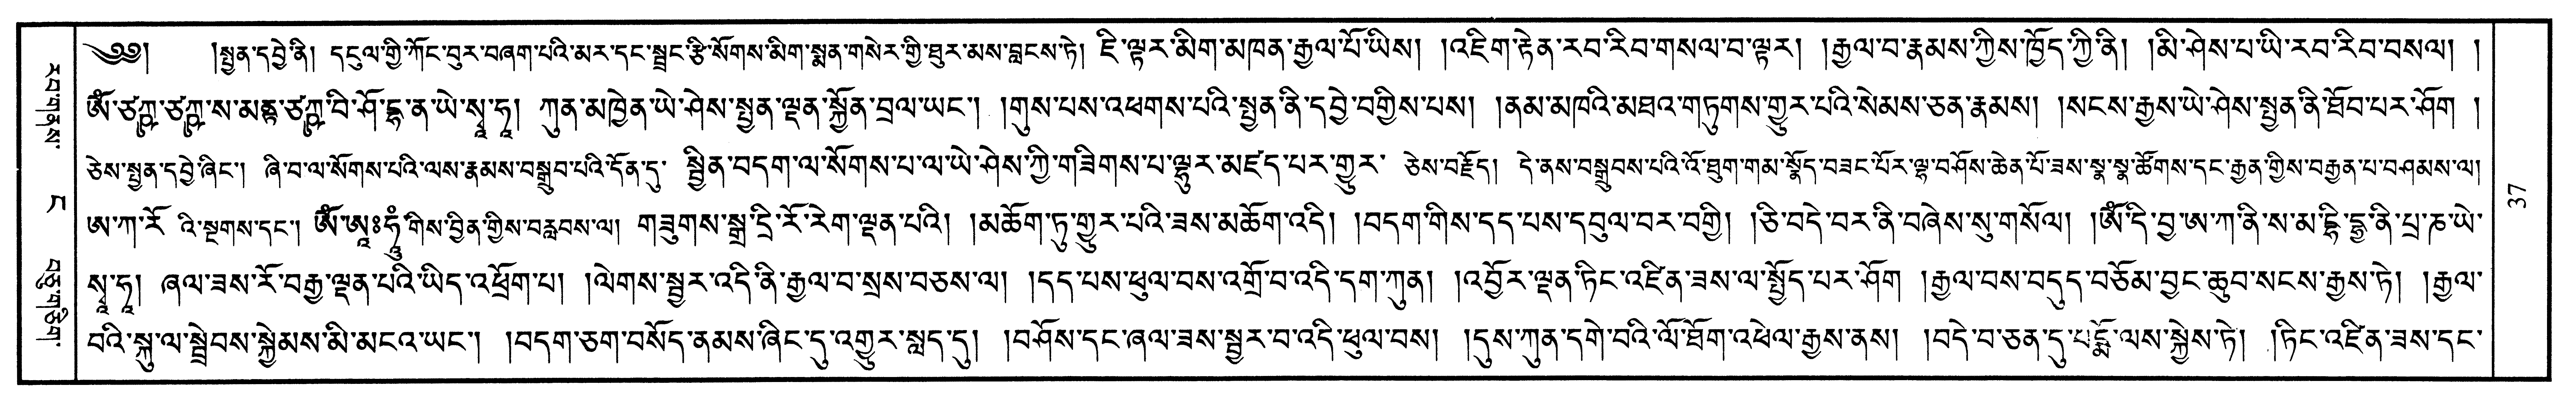༄༅། །སྤྱན་དབྱེ་ནི། དངུལ་གྱི་ཀོང་བུར་བཞག་པའི་མར་དང་སྦྲང་རྩི་སོགས་མིག་སྨན་གསེར་གྱི་ཐུར་མས་བླངས་ཏེ། ཇི་ལྟར་མིག་མཁན་རྒྱལ་པོ་ཡིས། །འཇིག་རྟེན་རབ་རིབ་གསལ་བ་ལྟར། །རྒྱལ་བ་རྣམས་ཀྱིས་ཁྱོད་ཀྱི་ནི། །མི་ཤེས་པ་ཡི་རབ་རིབ་བསལ། །
ཨོཾ་ཙཀྵུ་ས་མནྟ་ཙཀྵུ་བི་ཤོ་དྷ་ན་ཡེ་སྭཱ་ཧཱ། ཀུན་མཁྱེན་ཡེ་ཤེས་སྤྱན་ལྡན་སྐྱོན་བྲལ་ཡང་། །གུས་པས་འཕགས་པའི་སྤྱན་ནི་དབྱེ་བགྱིས་པས། །ནམ་མཁའི་མཐའ་གཏུགས་གྱུར་པའི་སེམས་ཅན་རྣམས། །སངས་རྒྱས་ཡེ་ཤེས་སྤྱན་ནི་ཐོབ་པར་ཤོག །
ཅེས་སྤྱན་དབྱེ་ཞིང་། ཞི་བ་ལ་སོགས་པའི་ལས་རྣམས་བསྒྲུབ་པའི་དོན་དུ་སྦྱིན་བདག་ལ་སོགས་པ་ལ་ཡེ་ཤེས་ཀྱི་གཟིགས་པ་ལྷུར་མཛད་པར་གྱུར་ཅེས་བརྗོད། དེ་ནས་བསྒྲུབས་པའི་འོ་ཐུག་གམ་སྣོད་བཟང་པོར་ལྷ་བཤོས་ཆེན་པོ་ཟས་སྣ་སྣ་ཚོགས་དང་རྒྱན་གྱིས་བརྒྱན་པ་བཤམས་ལ།
ཨ་ཀ་རོའི་སྔགས་དང་། ཨོཾ་ཨཱཿ ཧཱུཾ་གིས་བྱིན་གྱིས་བརླབས་ལ། གཟུགས་སྒྲ་དྲི་རོ་རེག་ལྡན་པའི། །མཆོག་ཏུ་གྱུར་པའི་ཟས་མཆོག་འདི། །བདག་གིས་དད་པས་དབུལ་བར་བགྱི། །ཅི་བདེ་བར་ནི་བཞེས་སུ་གསོལ། །ཨོཾ་དི་བྱ་ཨ་ཀ་ནི་ས་མ་དྷི་དྷྱ་ནི་པྲ་ཎ་ཡེ་
སྭཱ་ཧཱ། ཞལ་ཟས་རོ་བརྒྱ་ལྡན་པའི་ཡིད་འཕྲོག་པ། །ལེགས་སྦྱར་འདི་ནི་རྒྱལ་བ་སྲས་བཅས་ལ། །དད་པས་ཕུལ་བས་འགྲོ་བ་འདི་དག་ཀུན། །འབྱོར་ལྡན་ཏིང་འཛིན་ཟས་ལ་སྤྱོད་པར་ཤོག །རྒྱལ་བས་བདུད་བཅོམ་བྱང་ཆུབ་སངས་རྒྱས་ཏེ། །རྒྱལ་
བའི་སྐུ་ལ་སྦྲེབས་སྐྱེམས་མི་མངའ་ཡང་། །བདག་ཅག་བསོད་ནམས་ཞིང་དུ་འགྱུར་སླད་དུ། །བཤོས་དང་ཞལ་ཟས་སྦྱར་བ་འདི་ཕུལ་བས། །དུས་ཀུན་དགེ་བའི་ལོ་ཐོག་འཕེལ་རྒྱས་ནས། །བདེ་བ་ཅན་དུ་པདམོ་ལས་སྐྱེས་ཏེ། །ཏིང་འཛིན་ཟས་དང་